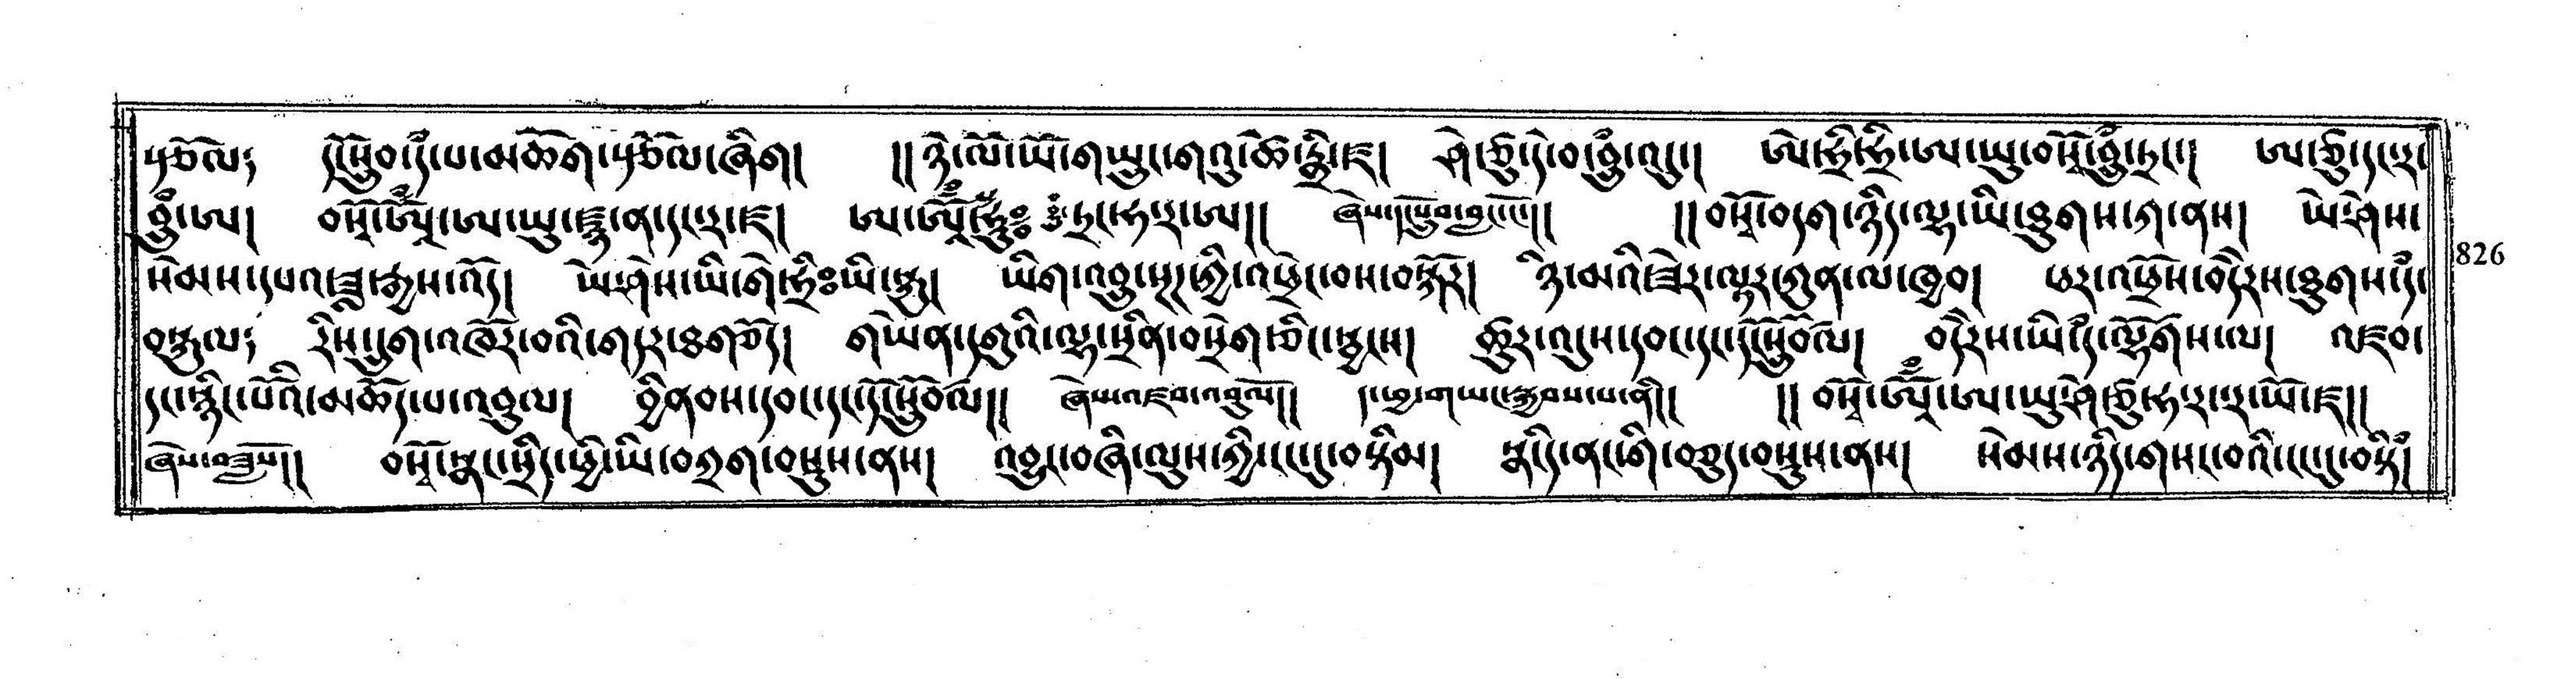སྩོལ། དངོས་གྲུབ་དམ་པ་མཆོག་སྩོལ་ཞིག །།ཉེ་ལོ་ཡོ་གཡུང་དྲུང་གའུ་ཚེ་རྣྲི་ཛ། ཤེ་ཙུ་དེ་བ་བྲུཾ་འདུ། ཨེ་ཧྲི་ཧྲི་ཨ་ཡུ་བསྭོ་བྲུཾ་ཏྲང་། ཨ་ཙུ་དང་ར་
བྲུཾ་ཨ། བསྭོ་ཨཱོཾ་ཨ་ཡུ་ཛྙ་ན་དང་ར་ཛ། ཨ་ཨཱོཾ་ཧཱུྃ༔ བྲུཾ་ཏྲང་ཧ་ར་ཨ།། ཞེས་དངོས་གྲུབ་བླང་ངོ་།། །།བསྭོ་བདག་ཉིད་ལྷ་ཡི་ཐུགས་ཀ་ནས། ཡེ་ཤེས་
སེམས་དཔའ་ཟླ་རྒྱས་འོད། ཡེ་ཤེས་ཡི་གེ་ཧྲིཿཡི་སྐུ། ཡིག་འབྲུ་སྔགས་ཀྱི་འཕྲེང་བས་བསྐོར། ཉི་མའི་ཟེར་ལྟར་ཀུན་ལ་ཁྱབ། ཕར་འཕྲོས་བདེར་གཤེགས་ཐུགས་དམ་
བསྐུལ། རིས་དྲུག་འཁོར་བའི་གདར་ཐག་གཅོད། གཡེན་དགུའི་ལྷ་སྲིན་བསྲེག་ཅིང་སྦྱངས། ཚུར་འདུས་དབང་དང་དངོས་གྲུབ་སྩོལ། བདེར་གཤེགས་ཡི་དམ་ལྷ་ཚོགས་ལ། འཛབ་
དང་སྙིང་པོའི་མཆོད་པ་འབུལ། བྱིན་རླབས་དབང་དང་དངོས་གྲུབ་སྩོལ།། ཞེས་འཛབ་འབུལ་ལོ།། ད་ཕྱ་གཡང་སྐྱབས་པ་ནི།། །།བསྭོ་ཨཱོཾ་ཨ་ཡུ་ཤེ་ཙུ་ཧ་ར་ར་ཡོ་ཛ།། 
ཞེས་བཟླས་སོ།། བསྭོ་སྣང་སྲིད་ཕྱི་ཡི་བཀྲག་བསྡུས་ནས། འབྱུང་བཞི་ལུས་ཀྱི་ངང་དུ་བསྟིམ། སྣང་སྲིད་ནང་གི་བཅུད་བསྡུས་ནས། སེམས་ཉིད་གསང་བའི་ངང་དུ་བསྟིམ།